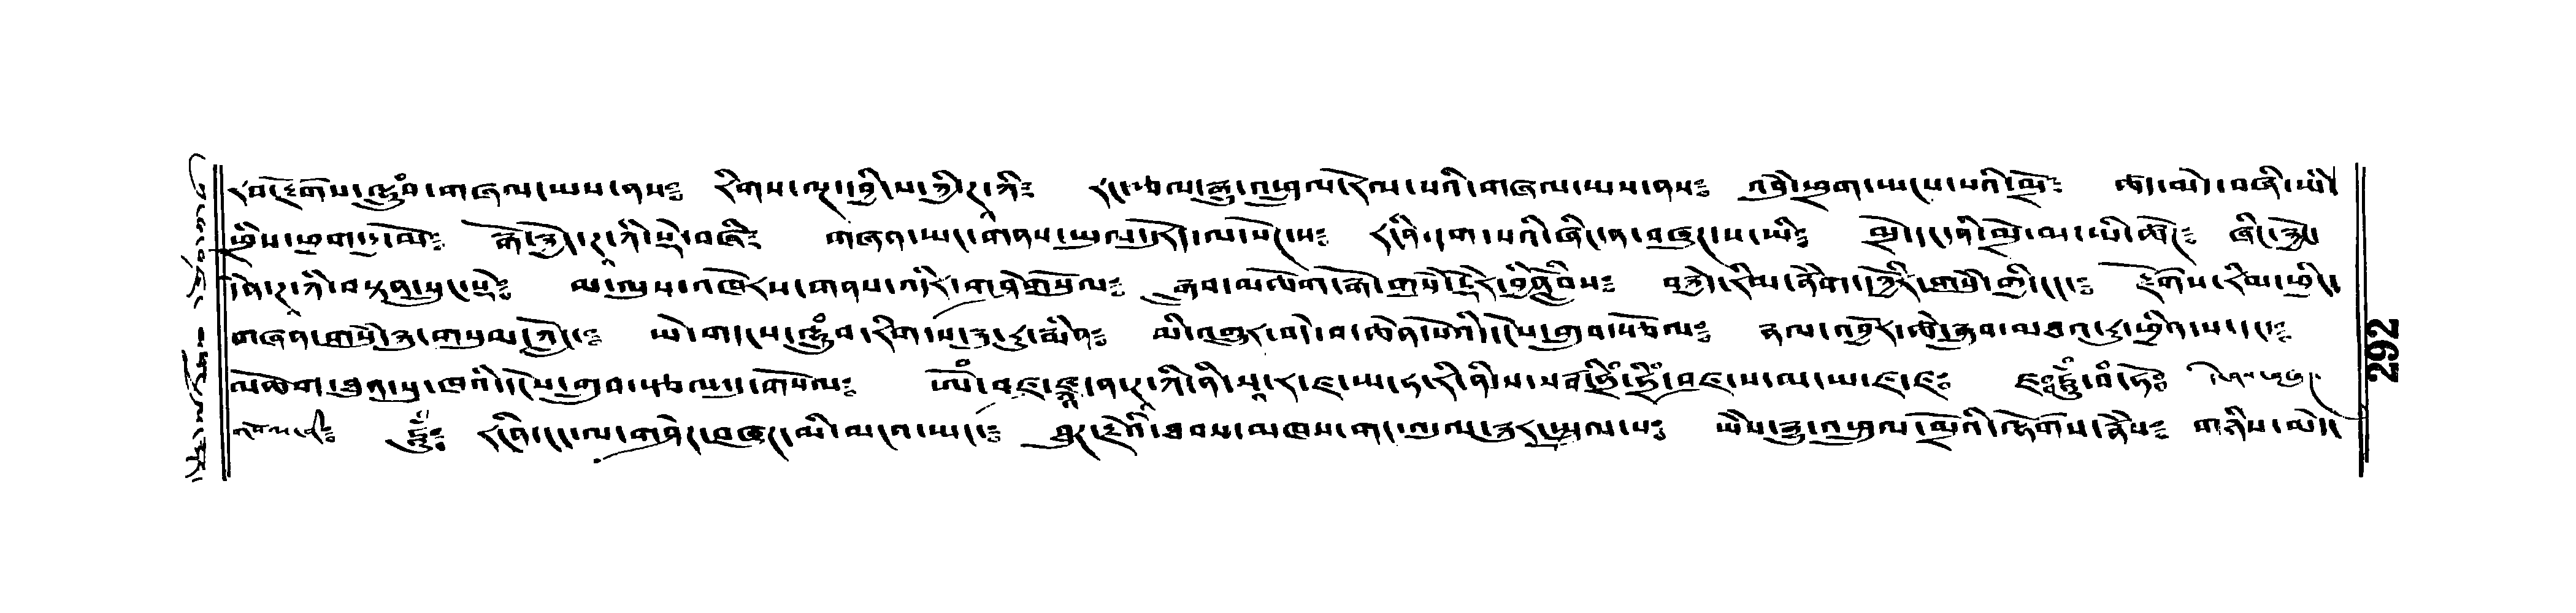རབ་རྫོགས་ལྷུན་གྲུབ་གཞལ་ཡས་ནས༔ རིགས་ལྔ་དབྱིངས་ཀྱི་ཌཱ་ཀི༴ རང་རྩལ་སྒྱུ་འཕྲུལ་རོལ་པའི་གཞལ་ཡས་ནས༔ འབུམ་ཕྲག་ཡངས་པའི་མཁའ་འགྲོ༴ ཚད་མེད་བཞི་ཡི་
ཕྲིན་ལས་ཕྱག་རྒྱ་མོ༔ སྒོ་སྐྱོང་ཌཱ་ཀི་སྡེ་བཞི༴ གཞན་ཡང་གནས་ཡུལ་དུར་ཁྲོད་ལ་སོགས་པ༔ རང་བཞིན་དག་པའི་ཞིང་ན་བཞུགས་པ་ཡི༔ མཁའ་འགྲོ་དང་ནི་མཁའ་འགྲོ་མ་ཡི་ཚོགས༔ ཞིང་སྐྱོང་
དམ་ཅན་ཌཱ་ཀི་བསྟན་སྲུང་སྡེ༔ མ་ལུས་འཁོར་བཅས་གནས་འདིར་གཤེགས་སུ་གསོལ༔ སྒྲུབ་མཆོག་སྒོ་གསུམ་རྡོ་རྗཻར་བྱིན་གྱིས་རློབས༔ བསྐྱེད་རིམ་རྣམ་དག་དཀྱིལ་འཁོར་གསུམ་གྱི་ངང༔ རྫོགས་རིམ་ཕྱི་ནང་
གཞན་གསུམ་སྐུ་གསུམ་ཀློང༔ ཡེ་གདངས་ལྷུན་གྲུབ་རིག་པ་སྐུ་རུ་སྨིན༔ མི་འགྱུར་བདེ་བ་ཆེན་པོའི་དངོས་གྲུབ་སྩོལ༔ རྣལ་འབྱོར་ཚེ་སྒྲུབ་མཐའ་རུ་ཕྱིན་པ་དང༔
མཆོག་ཐུན་སུ་ཁའི་དངོས་གྲུབ་བསྩལ་དུ་གསོལ༔ ཨོཾ་བཛྲ་ཛྙཱ་ན་ཌཱ་ཀི་ནི་སཱ་ར་ཛ་ཡ་ཧ་རི་ནི་ས་སརྦ་ཧྲིཾ་ཧྲིཾ་བཛྲ་ས་མ་ཡ་ཛ་ཛཿ ཛཿཧཱུྃ་བྃ་ཧོཿ དེ་ནས་བཞུགས་
གསོལ་ནི༔ ཧཱུྃ༔ རང་བཞིན་ངང་ལ་གཤེགས་བཞུགས་མི་མངའ་ཡང༔ ཐུགས་རྗེའི་ཐབས་མཁས་གང་འདུལ་སྐུར་སྤྲུལ་པ༔ ཡེ་ཤེས་སྒྱུ་འཕྲུལ་མཁའ་འགྲོའི་ལྷ་ཚོགས་རྣམས༔ གཉིས་མེད་